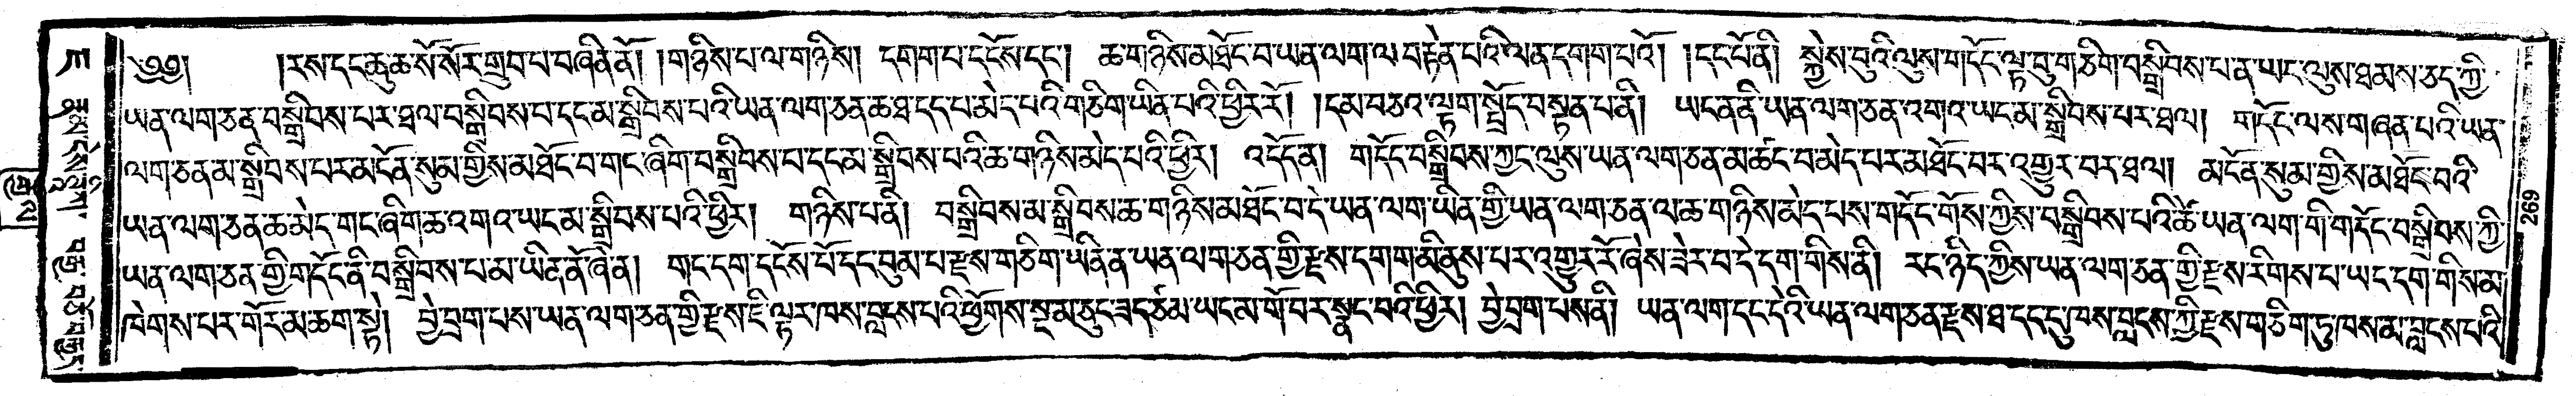༄༅། །རས་དང་ཆུ་ཆ་སོ་སོར་གྲུབ་པ་བཞིན་ནོ། །གཉིས་པ་ལ་གཉིས། དགག་པ་དངོས་དང་། ཆ་གཉིས་མཐོང་བ་ཡན་ལག་ལ་བརྟེན་པའི་ལན་དགག་པའོ། །དང་པོ་ནི། སྐྱེས་བུའི་ལུས་གདོང་ལྟ་བུ་གཅིག་བསྒྲིབས་པ་ན་ཡང་ལུས་ཐམས་ཅད་ཀྱི་
ཡན་ལག་ཅན་བསྒྲིབས་པར་ཐལ་བསྒྲིབས་པ་དང་མ་སྒྲིབ་པའི་ཡན་ལག་ཅན་ཆ་ཐ་དད་པ་མེད་པའི་གཅིག་ཡིན་པའི་ཕྱིར་རོ། །དམ་བཅའ་ལྟག་སྤྲོད་བསྟན་པ་ནི། ཡང་ན་ནི་ཡན་ལག་ཅན་འགའ་ཡང་མ་སྒྲིབས་པར་ཐལ། གདོང་ལས་གཞན་པའི་ཡན་
ལག་ཅན་མ་སྒྲིབས་པར་མངོན་སུམ་གྱིས་མཐོང་བ་གང་ཞིག་བསྒྲིབས་པ་དང་མ་སྒྲིབས་པའི་ཆ་གཉིས་མེད་པའི་ཕྱིར། འདོད་ན། གདོད་བསྒྲིབས་ཀྱང་ལུས་ཡན་ལག་ཅན་མ་ཚང་བ་མེད་པར་མཐོང་བར་འགྱུར་བར་ཐལ། མངོན་སུམ་གྱིས་མཐོང་བའི་
ཡན་ལག་ཅན་ཆ་མེད་གང་ཞིག་ཆ་འགའ་ཡང་མ་སྒྲིབས་པའི་ཕྱིར། གཉིས་པ་ནི། བསྒྲིབས་མ་སྒྲིབས་ཆ་གཉིས་མཐོང་བ་དེ་ཡན་ལག་ཡིན་གྱི་ཡན་ལག་ཅན་ལ་ཆ་གཉིས་མེད་པས་གདོང་གོས་ཀྱིས་བསྒྲིབས་པའི་ཚེ་ཡན་ལག་གི་གདོང་བསྒྲིབས་ཀྱི་
ཡན་ལག་ཅན་གྱི་གདོང་ནི་བསྒྲིབས་པ་མ་ཡིན་ནོ་ཞེ་ན། གང་དག་དངོས་པོ་དང་བུམ་པ་རྫས་གཅིག་ཡིན་ན་ཡན་ལག་ཅན་གྱི་རྫས་དགག་མི་ནུས་པར་འགྱུར་རོ་ཞེས་ཟེར་བ་དེ་དག་གིས་ནི། རང་ཉིད་ཀྱིས་ཡན་ལག་ཅན་གྱི་རྫས་རིགས་པ་ཡང་དག་གིས་མ་
ཁེགས་པར་གོར་མ་ཆག་སྟེ། བྱེ་བྲག་པས་ཡན་ལག་ཅན་གྱི་རྫས་ཇི་ལྟར་ཁས་བླངས་པའི་ཕྱོགས་སྔ་མ་ཅུང་ཟད་ཙམ་ཡང་མ་གོ་བར་སྣང་བའི་ཕྱིར། བྱེ་བྲག་པས་ནི། ཡན་ལག་དང་དེའི་ཡན་ལག་ཅན་རྫས་ཐ་དད་དུ་ཁས་བླངས་ཀྱི་རྫས་གཅིག་ཏུ་ཁས་མ་བླངས་པའི་